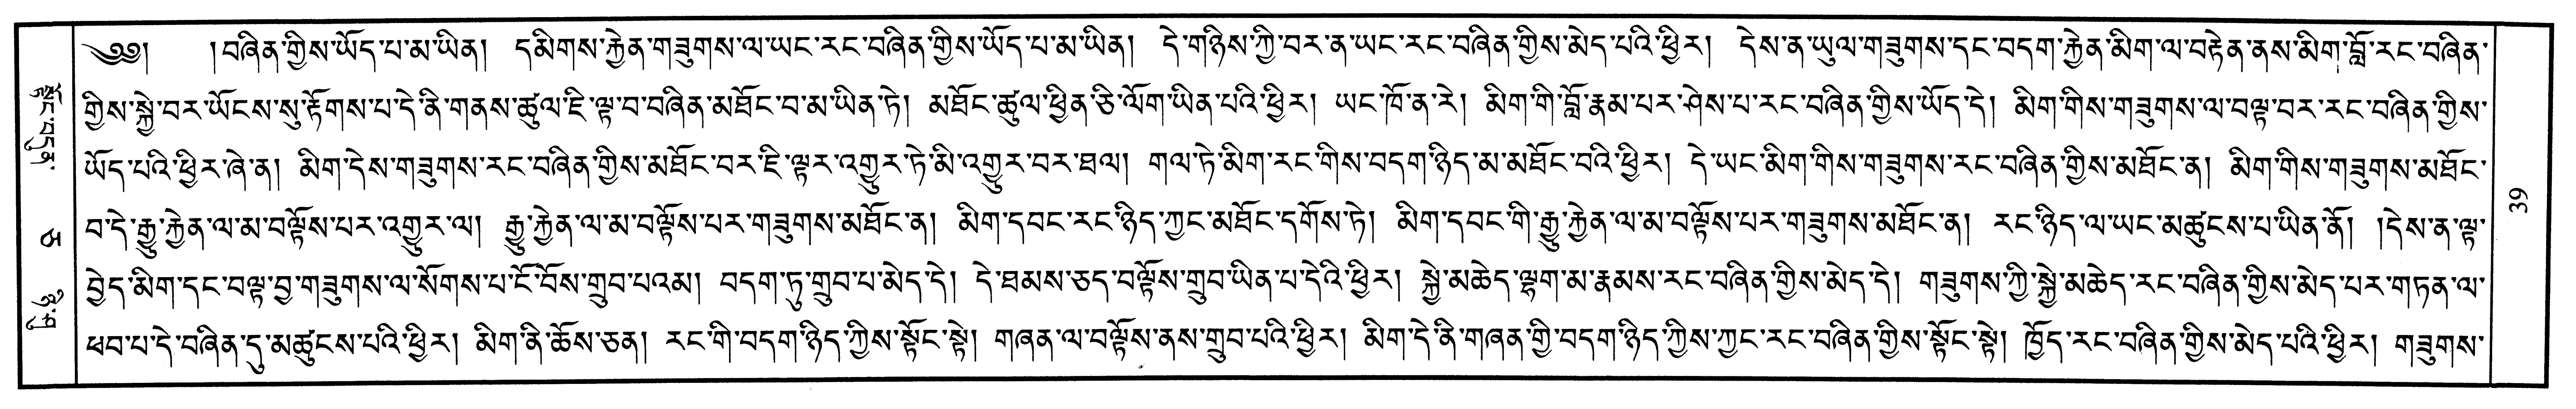༄༅། །བཞིན་གྱིས་ཡོད་པ་མ་ཡིན། དམིགས་རྐྱེན་གཟུགས་ལ་ཡང་རང་བཞིན་གྱིས་ཡོད་པ་མ་ཡིན། དེ་གཉིས་ཀྱི་བར་ན་ཡང་རང་བཞིན་གྱིས་མེད་པའི་ཕྱིར། དེས་ན་ཡུལ་གཟུགས་དང་བདག་རྐྱེན་མིག་ལ་བརྟེན་ནས་མིག་བློ་རང་བཞིན་
གྱིས་སྐྱེ་བར་ཡོངས་སུ་རྟོགས་པ་དེ་ནི་གནས་ཚུལ་ཇི་ལྟ་བ་བཞིན་མཐོང་བ་མ་ཡིན་ཏེ། མཐོང་ཚུལ་ཕྱིན་ཅི་ལོག་ཡིན་པའི་ཕྱིར། ཡང་ཁོ་ན་རེ། མིག་གི་བློ་རྣམ་པར་ཤེས་པ་རང་བཞིན་གྱིས་ཡོད་དེ། མིག་གིས་གཟུགས་ལ་བལྟ་བར་རང་བཞིན་གྱིས་
ཡོད་པའི་ཕྱིར་ཞེ་ན། མིག་དེས་གཟུགས་རང་བཞིན་གྱིས་མཐོང་བར་ཇི་ལྟར་འགྱུར་ཏེ་མི་འགྱུར་བར་ཐལ། གལ་ཏེ་མིག་རང་གིས་བདག་ཉིད་མ་མཐོང་བའི་ཕྱིར། དེ་ཡང་མིག་གིས་གཟུགས་རང་བཞིན་གྱིས་མཐོང་ན། མིག་གིས་གཟུགས་མཐོང་
བ་དེ་རྒྱུ་རྐྱེན་ལ་མ་བལྟོས་པར་འགྱུར་ལ། རྒྱུ་རྐྱེན་ལ་མ་བལྟོས་པར་གཟུགས་མཐོང་ན། མིག་དབང་རང་ཉིད་ཀྱང་མཐོང་དགོས་ཏེ། མིག་དབང་གི་རྒྱུ་རྐྱེན་ལ་མ་བལྟོས་པར་གཟུགས་མཐོང་ན། རང་ཉིད་ལ་ཡང་མཚུངས་པ་ཡིན་ནོ། །དེས་ན་ལྟ་
བྱེད་མིག་དང་བལྟ་བྱ་གཟུགས་ལ་སོགས་པ་ངོ་བོས་གྲུབ་པའམ། བདག་ཏུ་གྲུབ་པ་མེད་དེ། དེ་ཐམས་ཅད་བལྟོས་གྲུབ་ཡིན་པ་དེའི་ཕྱིར། སྐྱེ་མཆེད་ལྷག་མ་རྣམས་རང་བཞིན་གྱིས་མེད་དེ། གཟུགས་ཀྱི་སྐྱེ་མཆེད་རང་བཞིན་གྱིས་མེད་པར་གཏན་ལ་
ཕབ་པ་དེ་བཞིན་དུ་མཚུངས་པའི་ཕྱིར། མིག་ནི་ཆོས་ཅན། རང་གི་བདག་ཉིད་ཀྱིས་སྟོང་སྟེ། གཞན་ལ་བལྟོས་ནས་གྲུབ་པའི་ཕྱིར། མིག་དེ་ནི་གཞན་གྱི་བདག་ཉིད་ཀྱིས་ཀྱང་རང་བཞིན་གྱིས་སྟོང་སྟེ། ཁྱོད་རང་བཞིན་གྱིས་མེད་པའི་ཕྱིར། གཟུགས་